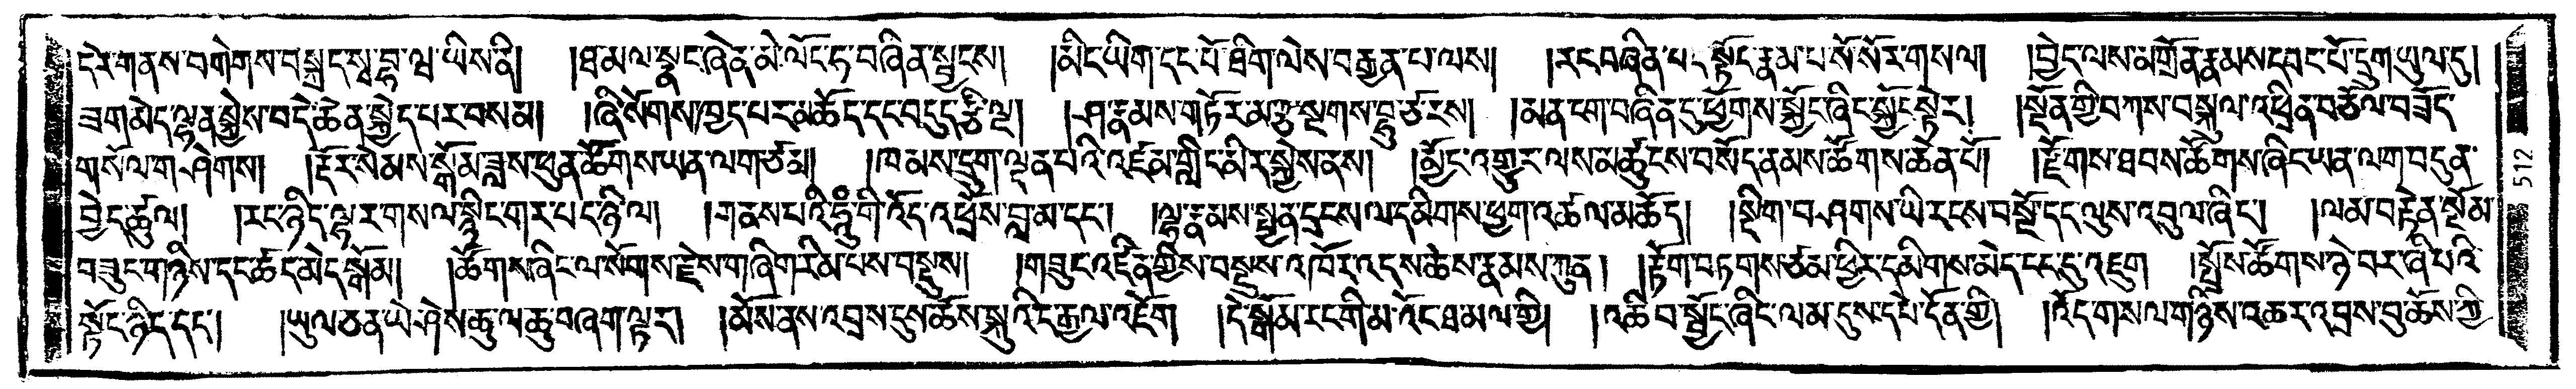དེར་གནས་བགེགས་བསྐྲད་སྭ་བྷ་ཝ་ཡིས་ནི། །ཐ་མལ་སྣང་ཞེན་མེ་ལོང་ཧ་བཞིན་སྦྱངས། །མིང་ཡིག་དང་པོ་ཐིག་ལེས་བརྒྱན་པ་ལས། །རང་བཞིན་པད་སྟོང་རྣམ་པ་སོ་སོར་གསལ། །བྱེད་ལས་མགྲོན་རྣམས་དབང་པོ་དྲུག་ཡུལ་དུ།
ཟག་མེད་ལྷན་སྐྱེས་བདེ་ཆེན་སྐྱེད་པར་བསམ། །ཞི་སོགས་ཁྱད་པར་མཆོད་དང་བདུད་རྩི་ལྔ། །ཤ་རྣམས་གཏོར་མ་རྩ་སྔགས་བྷུ་ཙ་རས། །མན་ངག་བཞིན་དུ་ཕྱོགས་སྐྱོང་ཞིང་སྐྱོང་སྟེར། །སྔོན་གྱི་བཀས་བསྐུལ་འཕྲིན་བཅོལ་བཟོད་
གསོལ་གཤེགས། །རྡོར་སེམས་སྒོམ་ཟླས་ཕུན་ཚོགས་ཡན་ལག་ཙམ། །ཁམས་དྲུག་ལྡན་པའི་འཛམ་གླིང་མིར་སྐྱེས་ནས། །མྱོང་འགྱུར་ལས་མཚུངས་བསོད་ནམས་ཚོགས་ཆེན་པོ། །རྫོགས་ཐབས་ཚོགས་ཞིང་ཡན་ལག་བདུན་
བྱེད་ཚུལ། །རང་ཉིད་ལྷར་གསལ་སྙིང་གར་པད་ཉི་ལ། །གནས་པའི་ཧཱུཾ་གི་འོད་འཕྲོས་བླ་མ་དང་། །ལྷ་རྣམས་སྤྱན་དྲངས་ལ་དམིགས་ཕྱག་འཚལ་མཆོད། །སྡིག་བཤགས་ཡི་རངས་བསྔོ་དང་ལུས་འབུལ་ཞིང་། །ལམ་བརྟེན་སྡོམ་
བཟུང་གཉིས་དང་ཚད་མེད་སྒོམ། །ཚོགས་ཞིང་ལ་སོགས་རྗེས་གཞིག་རིམ་པས་བསྡུས། །གཟུང་འཛིན་གྱིས་བསྡུས་འཁོར་འདས་ཆེས་རྣམས་ཀུན། །རྟོག་བཏགས་ཙམ་ཕྱིར་དམིགས་མེད་ངང་དུ་འཇུག །སྤྲོས་ཚོགས་ཉེ་བར་ཞི་པའི་
སྟོང་ཉིད་དང་། །ཡུལ་ཅན་ཡེ་ཤེས་ཆུ་ལ་ཆུ་བཞག་ལྟར། །མོས་ནས་འབྲས་དུས་ཆོས་སྐུའི་ང་རྒྱལ་འཇོག །དེ་སྒོམ་རང་གི་མ་འོང་ཐ་མལ་གྱི། །འཆི་བ་སྦྱོང་ཞིང་ལམ་དུས་དཔེ་དོན་གྱི། །འོད་གསལ་གཉིས་འཆར་འབྲས་བུ་ཆོས་ཀྱི་